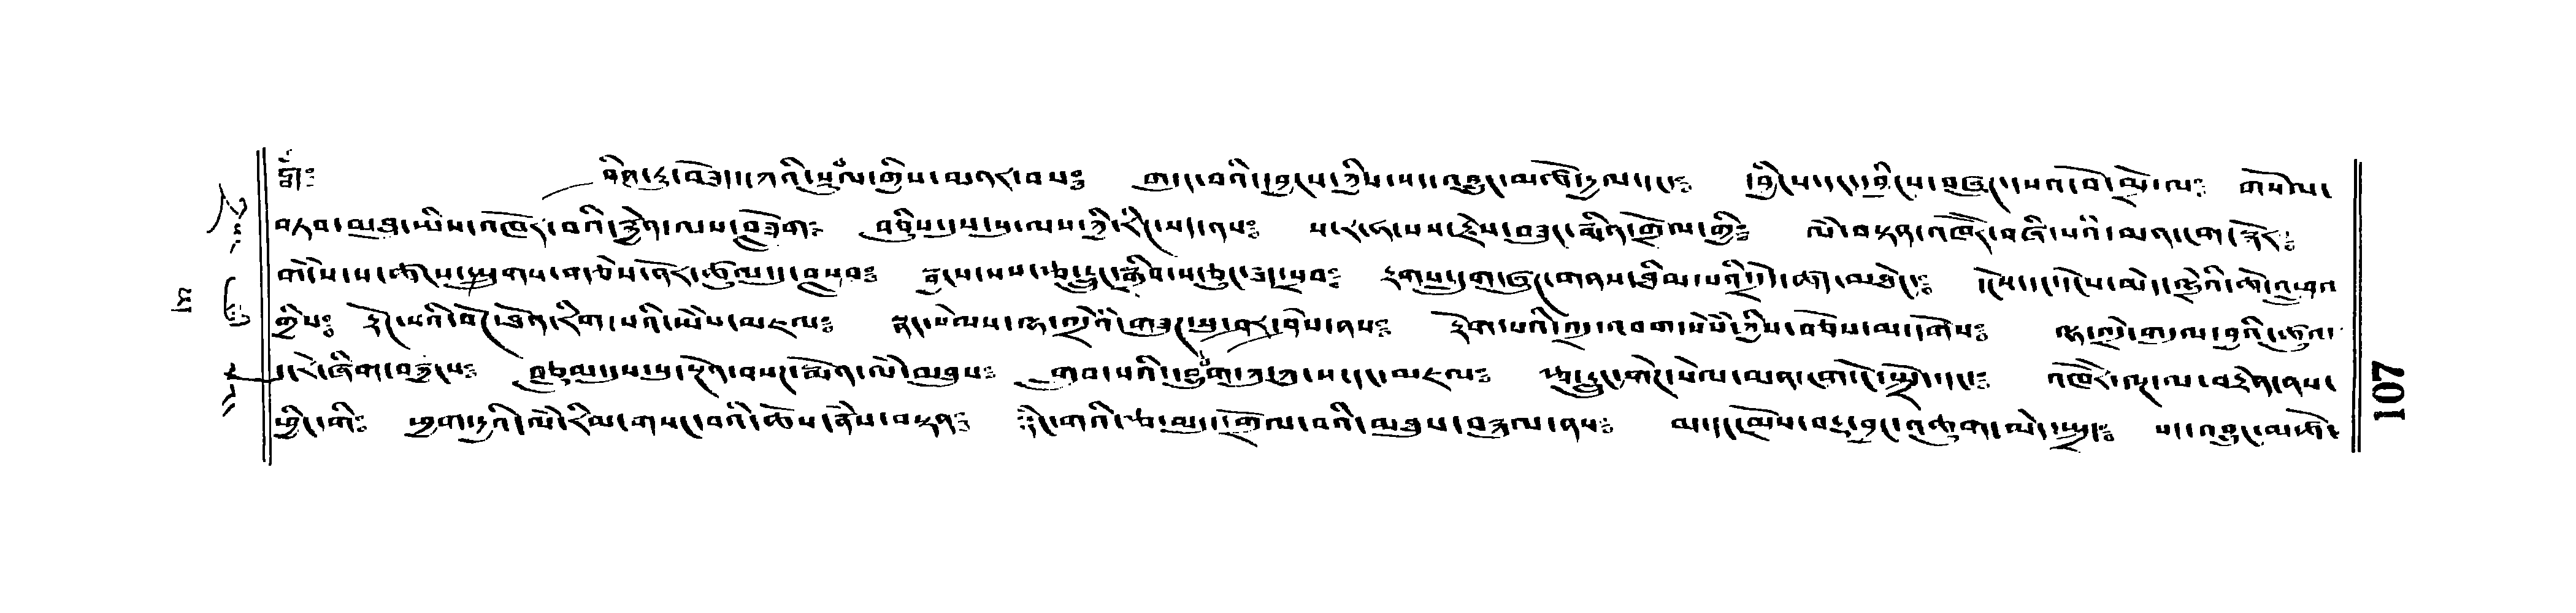ཤིན་ཏུ་བཟོད་དཀའི་སྡུག་བསྔལ་གྱིས་མནར་བས༔ གདུང་བའི་དབྱངས་ཀྱིས་པད་འབྱུང་མཚོ་རྒྱལ་དང༔ དབྱིངས་དང་དབྱིངས་བཞུགས་དཔའ་བོ་མཁའ་འགྲོ་ལ༔ གསོལ་
བཏབ་མཐུ་ཡིས་འཁོར་བའི་རྐྱེན་ལས་བཟློག༔ བཅུ་གཉིས་དུས་སུ་ལས་ཀྱི་རིགས་སད་ནས༔ ས་ར་ཧ་པས་རྗེས་བཟུང་སྨིན་གྲོལ་གྱི༔ ལམ་བསྟན་འཁོར་ལོ་བཞི་པའི་མན་ངག་སྐོར༔ 
གདམས་པ་ཚང་སྤྲུགས་གཅེས་ནོར་ཚུལ་དུ་བསླབ༔ སྦྱངས་པས་རྩ་རླུང་སྒྲིབ་པ་ཅུང་ཟད་སྲབ༔ རྟགས་དྲུག་ཞུགས་གནས་ཐིམ་པའི་དྲོད་ཚད་མཐོང༔ དངོས་དང་དངོས་མེད་ལྷ་འདྲེའི་ཆོ་འཕྲུལ་
གྱིས༔ རྟོགས་པའི་བོགས་ཐོན་རིག་པའི་ཡེ་ཤེས་མཇལ༔ སྣང་སེམས་ལྷ་འདྲེའི་གཟུགས་སུ་ཤར་ཤེས་ནས༔ རྟོག་པའི་འདྲ་འབག་སེམས་ཀྱིས་བཅོས་མ་དགོས༔ ལྷ་འདྲེ་གདུལ་བྱའི་ཚུལ་
དུ་རེ་ཞིག་བསྐྱངས༔ བཅུ་གསུམ་དུས་སུ་སྔོན་བསགས་སྨོན་ལམ་མཐུས༔ གྲུབ་པའི་དབང་ཕྱུག་ཀུ་ཀུ་པ་དང་མཇལ༔ རྩ་རླུང་གེགས་སེལ་མན་ངག་ངོ་སྤྲོད་དང༔ འཁོར་ལོ་ལྔ་ལ་བརྟེན་ནས་
ཕྱི་ནང་གི༔ ཕྱག་རྒྱའི་ལམ་རིམ་གསང་བའི་ཆོས་རྣམས་བསྟན༔ སྙིང་གི་རྩ་མདུད་གྲོལ་བའི་མཐུས་བསྐུལ་ནས༔ མ་དང་མཁའ་འགྲོས་བརྡ་བྱང་འཆུག་མེད་སྤྲད༔ པད་འབྱུང་མཚོ་